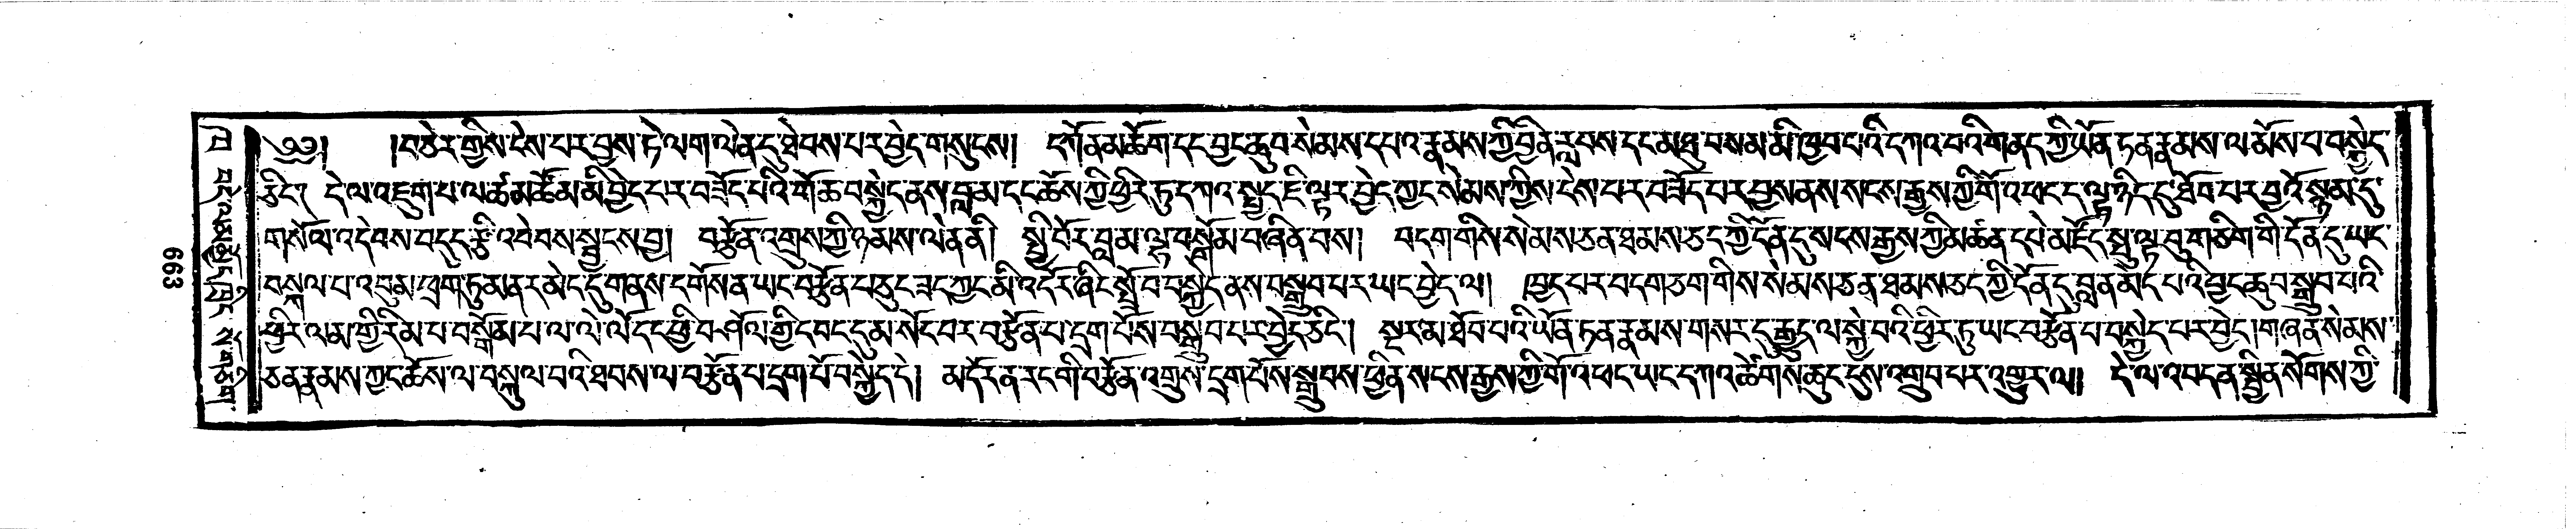༄༅། །བཅེར་གྱིས་ངེས་པར་བྱས་ཏེ་ལག་ལེན་དུ་ཐེབས་པར་བྱེད་གསུངས། དཀོན་མཆོག་དང་བྱང་ཆུབ་སེམས་དཔའ་རྣམས་ཀྱི་བྱིན་རླབས་དང་མཐུ་བསམ་མི་ཁྱབ་པའི་དཀའ་བའི་གནད་ཀྱི་ཡོན་ཏན་རྣམས་ལ་མོས་པ་བསྐྱེད་
ཅིང༑ དེ་ལ་འཇུག་པ་ལ་ཚ་མཚོམ་མི་བྱེད་པར་བཟོད་པའི་གོ་ཆ་བསྐྱེད་ནས་བླ་མ་དང་ཆོས་ཀྱི་ཕྱིར་ཏུ་དཀའ་སྤྱད་ཇི་ལྟར་བྱེད་ཀྱང་སེམས་ཀྱིས་ངེས་པར་བཟོད་པར་བྱས་ནས་སངས་རྒྱས་ཀྱི་གོ་འཕང་ད་ལྟ་ཉིད་དུ་ཐོབ་པར་བྱའོ་སྙམ་དུ་
གསོལ་འདེབས་བདུད་རྩི་འབེབས་སྦྱངས་བྱ། བརྩོན་འགྲུས་ཀྱི་ཉམས་ལེན་ནི། སྤྱི་བོར་བླ་མ་ལྷ་བསྒོམ་བཞིན་བས། བདག་གིས་སེམས་ཅན་ཐམས་ཅད་ཀྱི་དོན་དུ་སངས་རྒྱས་ཀྱི་མཚན་དཔེ་མཛོད་སྤུ་ལྟ་བུ་གཅིག་གི་དོན་དུ་ཡང་
བསྐལ་པ་འབུམ་ཕྲག་ཏུ་མནར་མེད་དུ་གནས་དགོས་ན་ཡང་བརྩོན་པ་ཅུང་ཟད་ཀྱང་མི་འདོར་ཞིང་སྤྲོ་བ་བསྐྱེད་ནས་བསྒྲུབ་པར་ཡང་བྱེད་ལ། ཁྱད་པར་བདག་ཅག་གིས་སེམས་ཅན་ཐམས་ཅད་ཀྱི་དོན་དུ་བླ་ན་མེད་པའི་བྱང་ཆུབ་སྒྲུབ་པའི་
ཕྱིར་ལམ་གྱི་རིམ་པ་བསྒོམ་པ་ལ་ལེ་ལོ་དང་ཕྱི་བཤོལ་གྱི་དབང་དུ་མ་སོང་བར་བརྩོན་པ་དྲག་པོས་བསྒྲུབ་པར་བྱེད་ཅིང་། སྔར་མ་ཐོབ་པའི་ཡོན་ཏན་རྣམས་གསར་དུ་རྒྱུད་ལ་སྐྱེ་བའི་ཕྱིར་ཏུ་ཡང་བརྩོན་པ་བསྐྱེད་པར་བྱེད། གཞན་སེམས་
ཅན་རྣམས་ཀྱང་ཆོས་ལ་བསྐུལ་བའི་ཐབས་ལ་བརྩོན་པ་དྲག་པོ་བསྐྱེད་དེ། མདོར་ན་རང་གི་བརྩོན་འགྲུས་དྲག་པོས་སྒྲུབས་ཕྱིན་སངས་རྒྱས་ཀྱི་གོ་འཕང་ཡང་དཀའ་ཚེགས་ཆུང་དུས་འགྲུབ་པར་འགྱུར་ལ། དེ་ལ་འབད་ན་སྦྱིན་སོགས་ཀྱི་